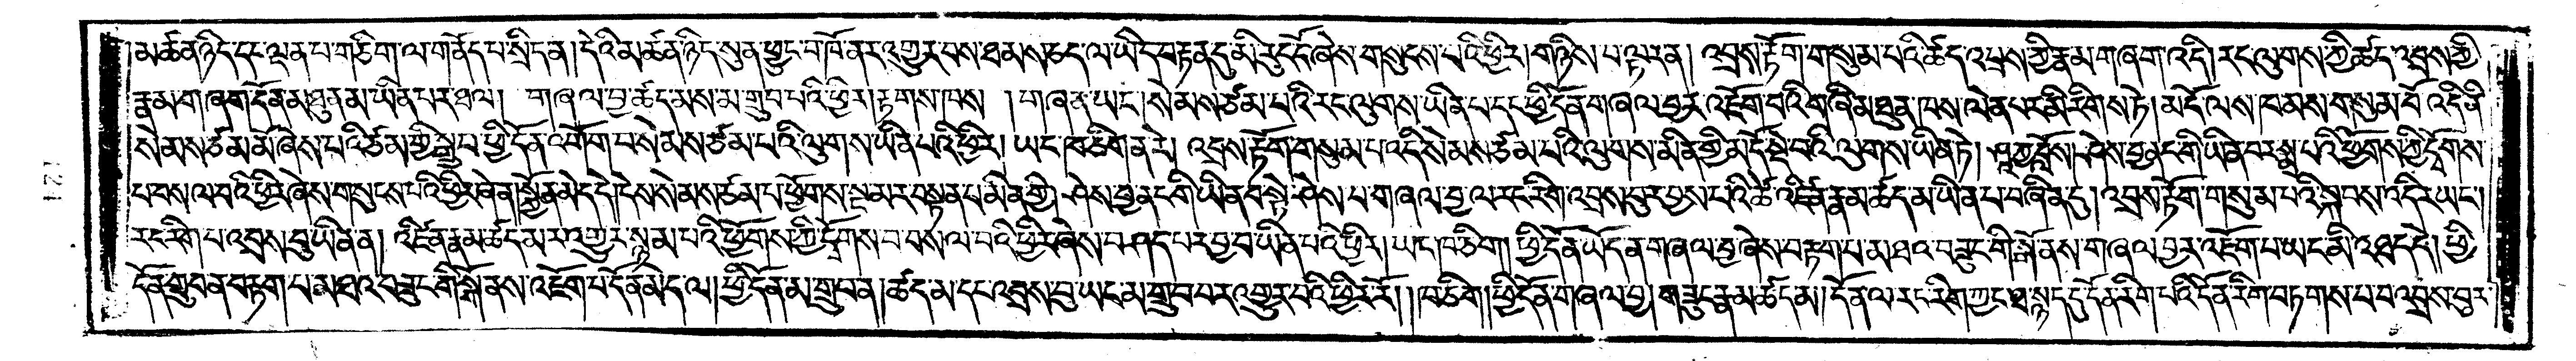མཚན་ཉིད་དང་ལྡན་པ་གཅིག་ལ་གནོད་པ་སྲིད་ན། དེའི་མཚན་ཉིད་སུན་བྱུང་བ་ཁོ་ནར་འགྱུར་བས་ཐམས་ཅད་ལ་ཡིད་བརྟན་དུ་མི་རུང་ངོ་ཞེས་གསུངས་པའི་ཕྱིར། གཉིས་པ་ལྟར་ན། འབྲས་རྟོག་གསུམ་པའི་ཚད་འབྲས་ཀྱི་རྣམ་གཞག་འདི། རང་ལུགས་ཀྱི་ཚད་འབྲས་ཀྱི་
རྣམ་གཞག་དོན་མཐུན་མ་ཡིན་པར་ཐལ། གཞལ་བྱ་ཚད་མས་མ་གྲུབ་པའི་ཕྱིར། རྟགས་ཁས། གཞན་ཡང་། སེམས་ཙམ་པའི་རང་ལུགས་ཡིན་པ་དང་ཕྱི་དོན་གཞལ་བྱར་འཇོག་པའི་གཞི་མཐུན་ཁས་ལེན་པར་མི་རིགས་ཏེ། མདོ་ལས་ཁམས་གསུམ་པོ་འདི་ནི་
སེམས་ཙམ་མོ་ཞེས་པའི་ཙམ་གྱི་སྒྲུབ་ཕྱི་དོན་འགོག་པ་སེམས་ཙམ་པའི་ལུགས་ཡིན་པའི་ཕྱིར། ཡང་ཁ་ཅིག་ན་རེ། འབྲས་རྟོག་གསུམ་པ་འདི་སེམས་ཙམ་པའི་ལུགས་མིན་གྱི་མདོ་སྡེ་པའི་ལུགས་ཡིན་ཏེ། {ཤཱཀྱ}་བློས། ཤེས་བྱ་ནང་གི་ཡིན་པར་སྨྲ་བའི་ཕྱོགས་ཀྱི་{དྭོགས}
པ་བསལ་བའི་ཕྱིར་ཞེས་གསུངས་པའི་ཕྱིར་ཞེ་ན། སྐྱོན་མེད་དེ། དེས་སེམས་ཙམ་པ་ཕྱོགས་སྔ་མར་བསྟན་པ་མིན་གྱི། ཤེས་བྱ་ནང་གི་ཡིན་པ་སྟེ་ཤེས་པ་གཞལ་བྱ་ལ་རང་རིག་འབྲས་བུར་བྱས་པའི་ཚེ་འཛིན་རྣམ་ཚད་མ་ཡིན་པ་བཞིན་དུ། འབྲས་རྟོག་གསུམ་པའི་སྐབས་འདིར་ཡང་།
རང་རིག་པ་འབྲས་བུ་ཡིན་ན། འཛིན་རྣམ་ཚད་མར་འགྱུར་སྙམ་པའི་ཕྱོགས་ཀྱི་{དྭོགས}་པ་བསལ་བའི་ཕྱིར་ཞེས་བཤད་པར་བྱ་བ་ཡིན་པའི་ཕྱིར། ཡང་ཁ་ཅིག །ཕྱི་དོན་ཡོད་ན་གཞལ་བྱ་ཞེས་བརྟག་པ་མཐའ་བཟུང་གི་སྒོ་ནས་གཞལ་བྱར་འཇོག་པ་ཡང་མི་འཐད་དེ། ཕྱི་
དོན་གྲུབ་ན་བརྟག་པ་མཐའ་བཟུང་གི་སྒོ་ནས་འཇོག་པ་དོན་མེད་ལ། ཕྱི་དོན་མ་གྲུབ་ན། ཚད་མ་དང་འབྲས་བུ་ཡང་མ་གྲུབ་པར་འགྱུར་བའི་ཕྱིར་རོ། །ཁ་ཅིག །ཕྱི་དོན་གཞལ་བྱ། གཟུང་རྣམ་ཚད་མ། དོན་ལ་རང་རིག་ཀྱང་ཐ་སྙད་དུ་དོན་རིག་པའི་དོན་རིག་བཏགས་པ་བ་འབྲས་བུར་